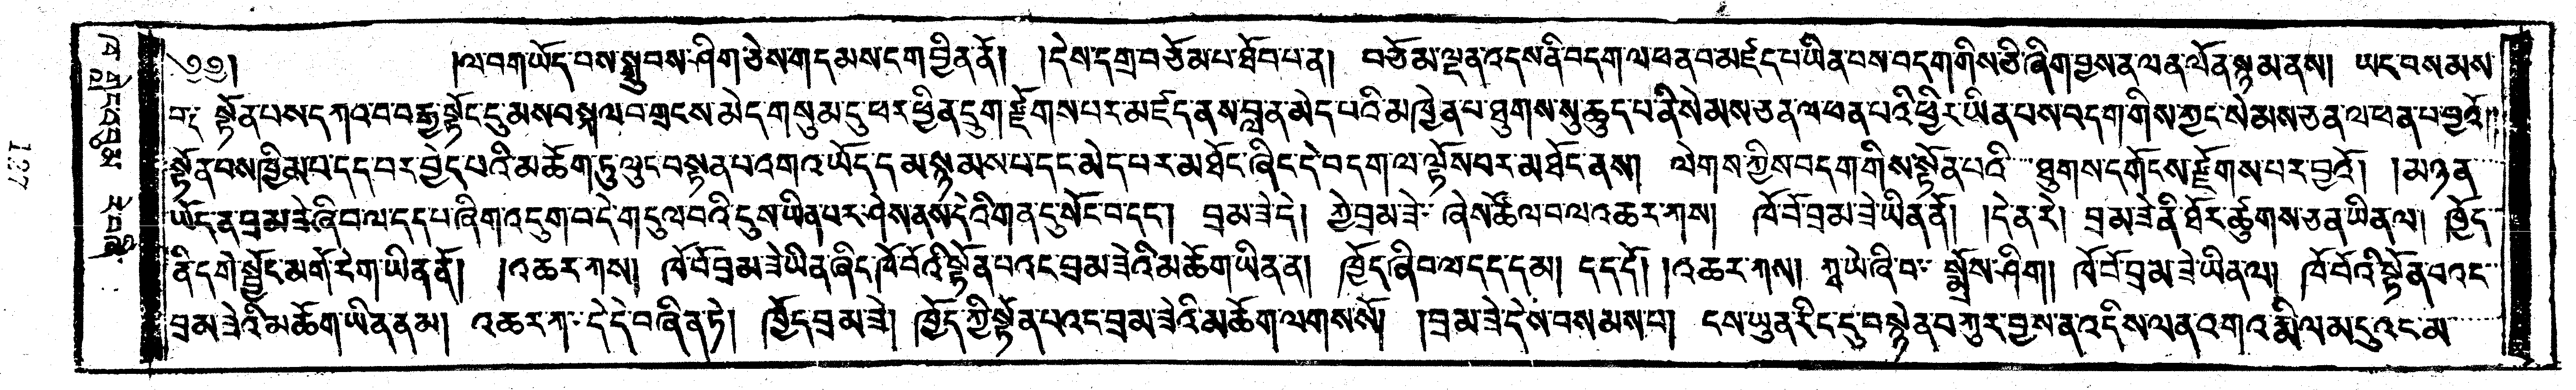༄༅། །ལ་བག་ཡོད་པས་སྒྲུབས་ཤིག་ཅེས་གདམས་ངག་བྱིན་ནོ། །དེས་དགྲ་བཅོམ་པ་ཐོབ་པ་ན། བཅོམ་ལྡན་འདས་ནི་བདག་ལ་ཕན་པ་མཛད་པ་ཡིན་པས་བདག་གིས་ཅི་ཞིག་བྱས་ན་ལན་ལོན་སྙམ་ནས། ཡང་བསམས་
པ༑ སྟོན་བས་དཀའ་བ་བརྒྱ་སྟོང་དུ་མས་བསྐལ་བ་གྲངས་མེད་གསུམ་དུ་ཕར་ཕྱིན་དྲུག་རྫོགས་པར་མཛད་ནས་བླ་ན་མེད་པའི་མཁྱེན་པ་ཐུགས་སུ་ཆུད་པ་ནི་སེམས་ཅན་ལ་ཕན་པའི་ཕྱིར་ཡིན་པས་བདག་གིས་ཀྱང་སེམས་ཅན་ལ་ཕན་པ་བྱའོ། །
སྟོན་པས་ཁྱིམ་པ་དད་པར་བྱེད་པའི་མཆོག་ཏུ་ལུང་བསྟན་པ་འགའ་ཡོད་དམ་སྙམས་པ་དང་མེད་པར་མཐོང་ཞིང་དེ་བདག་ལ་ལྟོས་བར་མཐོང་ནས། ལེགས་ཀྱིས་བདག་གིས་སྟོན་པའི་ཐུགས་དགོངས་རྫོགས་པར་བྱའོ། །མཉན་
ཡོད་ན་བྲམ་ཟེ་ཞིབ་ལ་དད་པ་ཞིག་འདུག་པ་དེ་གདུལ་བའི་དུས་ཡིན་པར་ཤེས་ནས་དེའི་གན་དུ་སོང་བ་དང་། བྲམ་ཟེ་དེ། ཀྱེ་བྲམ་ཟེ༑ ཞེས་ཚོལ་བ་ལ་འཆར་ཀས། ཁོ་བོ་བྲམ་ཟེ་ཡིན་ནོ། །དེ་ན་རེ། བྲམ་ཟེ་ནི་ཐོར་ཚུགས་ཅན་ཡིན་ལ། ཁྱོད་
ནི་དགེ་སྦྱོང་མགོ་རེག་ཡིན་ནོ། །འཆར་ཀས། ཁོ་བོ་བྲམ་ཟེ་ཡིན་ཞིང་ཁོ་བོའི་སྟོན་པའང་བྲམ་ཟེའི་མཆོག་ཡིན་ན། ཁྱོད་ཞིབ་ལ་དད་དམ། དད་དོ། །འཆར་ཀས། ཀྭ་ཡེ་ཞི་བཿ སྨྲོས་ཤིག། ཁོ་བོ་བྲམ་ཟེ་ཡིན་ལ། ཁོ་བོའི་སྟོན་བའང་
བྲམ་ཟེའི་མཆོག་ཡིན་ནམ། འཆར་ཀ༑ དེ་དེ་བཞིན་ཏེ། ཁྱོད་བྲམ་ཟེ། ཁྱོད་ཀྱི་སྟོན་པའང་བྲམ་ཟེའི་མཆོག་ལགས་སོ། །བྲམ་ཟེ་དེས་བསམས་པ། ངས་ཡུན་རིང་དུ་བསྙེན་བཀུར་བྱས་ན་འདིས་ལན་འགའ་རྨིལ་མ་དུའང་མ་